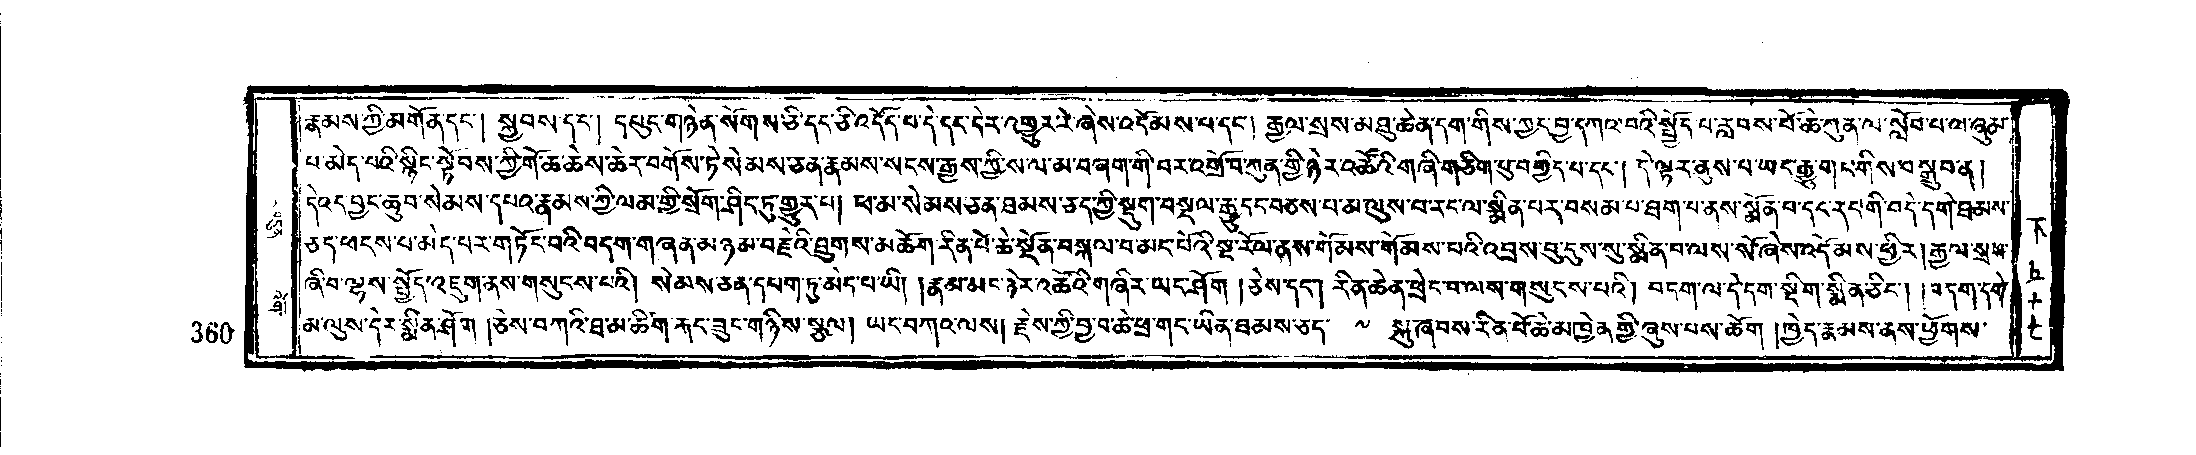རྣམས་ཀྱི་མགོན་དང་། སྐྱབས་དང་། དཔུང་གཉེན་སོགས་ཅི་དང་ཅི་འདོད་པ་དེ་དང་དེར་འགྱུར་རེ་ཞེས་འདོམས་པ་དང་། རྒྱལ་སྲས་མཐུ་ཆེན་དག་གིས་ཀྱང་བྱ་དཀའ་བའི་སྤྱོད་པ་རླབས་པོ་ཆེ་ཀུན་ལ་སློབ་པ་ལ་ཞུམ་
པ་མེད་པའི་སྙིང་སྟོབས་ཀྱི་གོ་ཆ་ཆེས་ཆེར་བགོས་ཏེ་སེམས་ཅན་རྣམས་སངས་རྒྱས་ཀྱི་ས་ལ་མ་བཞག་གི་བར་འགྲོ་བ་ཀུན་གྱི་ཉེར་འཚོའི་གཞི་གཅིག་པུ་བགྱིད་པ་དང་། དེ་ལྟར་ནུས་པ་ཡང་རྒྱུ་གང་གིས་བསྒྲུབ་ན།
དེའང་བྱང་ཆུབ་སེམས་དཔའ་རྣམས་ཀྱི་ལམ་གྱི་སྲོག་ཤིང་ཏུ་གྱུར་པ། ཕ་མ་སེམས་ཅན་ཐམས་ཅད་ཀྱི་སྡུག་བསྔལ་རྒྱུ་དང་བཅས་པ་མ་ལུས་པ་རང་ལ་སྨིན་པར་བསམ་པ་ཐག་པ་ནས་སྨོན་པ་དང་རང་གི་བདེ་དགེ་ཐམས་
ཅད་ཕངས་པ་མེད་པར་གཏོང་བའི་བདག་གཞན་མཉམ་བརྗེའི་ཐུགས་མཆོག་རིན་པོ་ཆེ་སྔོན་བསྐལ་བ་མང་པོའི་སྔ་རོལ་ནས་གོམས་གོམས་པའི་འབྲས་བུ་དུས་སུ་སྨིན་པ་ལས་སོ་ཞེས་འདོམས་ཕྱིར། རྒྱལ་སྲས་
ཞི་བ་ལྷས་སྤྱོད་འཇུག་ནས་གསུངས་པའི། སེམས་ཅན་དཔག་ཏུ་མེད་པ་ཡི། །རྣམ་མང་ཉེར་འཚོའི་གཞིར་ཡང་ཤོག །ཅེས་དང་། རིན་ཆེན་ཕྲེང་བ་ལས་གསུངས་པའི། བདག་ལ་དེ་དག་སྡིག་སྨིན་ཅིང་། །བདག་དགེ་
མ་ལུས་དེར་སྨིན་ཤོག །ཅེས་བཀའི་ཐ་མ་ཚིག་རྐང་ཟུང་གཉིས་སྩལ། ཡང་བཀའ་ལས། རྗེས་ཀྱི་བྱ་བ་ཆེ་ཕྲ་གང་ཡིན་ཐམས་ཅད ༧་སྐུ་ཞབས་རིན་པོ་ཆེ་མཁྱེན་གྱི་ཞུས་པས་ཆོག །ཁྱེད་རྣམས་ནས་ཕྱོགས་